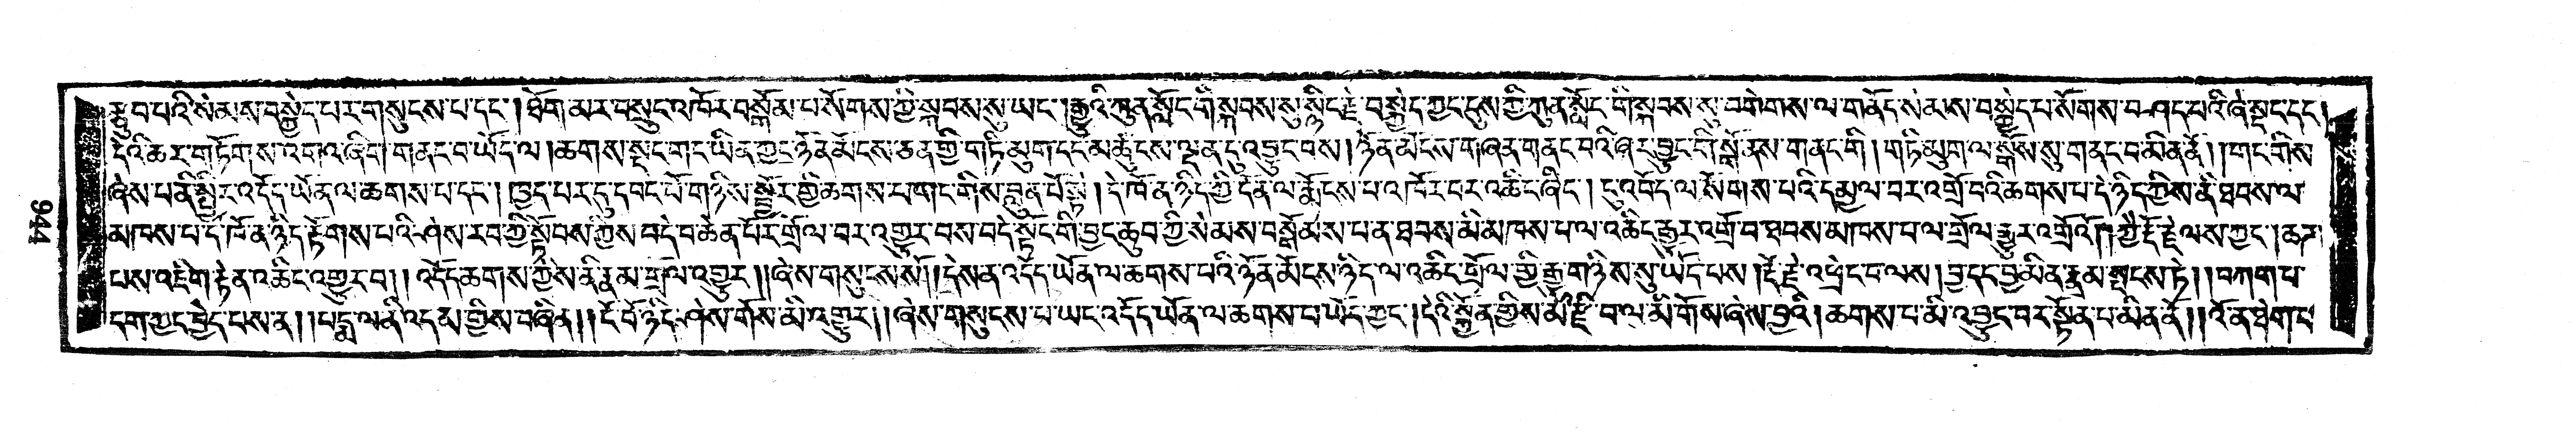རྩུབ་པའི་སེམས་བསྐྱེད་པར་གསུངས་པ་དང་། ཐོག་མར་བསྲུང་འཁོར་བསྒོམ་པ་སོགས་ཀྱི་སྐབས་སུ་ཡང་། རྒྱུའི་ཀུན་སློང་གི་སྐབས་སུ་སྙིང་རྗེ་བསྐྱེད་ཀྱང་དུས་ཀྱི་ཀུན་སློང་གི་སྐབས་སུ་བགེགས་ལ་གནོད་སེམས་བསྐྱེད་པ་སོགས་བཤད་པའི་ཞེ་སྡང་དང་
དེའི་ཆར་གཏོགས་འགའ་ཞིག་གནང་བ་ཡོད་ལ། ཆགས་སྡང་གང་ཡིན་ཀྱང་ཉོན་མོངས་ཅན་གྱི་གཏི་མུག་དང་མཚུངས་ལྡན་དུ་འབྱུང་བས། ཉོན་མོངས་གཞན་གནང་བའི་ཞར་བྱུང་གི་སྒོ་ནས་གནང་གི། གཏི་མུག་ལ་སྒོས་སུ་གནང་བ་མིན་ནོ། །གང་གིས་
ཞེས་པ་ནི་སྤྱིར་འདོད་ཡོན་ལ་ཆགས་པ་དང་། ཁྱད་པར་དུ་དབང་པོ་གཉིས་སྦྱོར་གྱི་ཆགས་པ་གང་གིས་བླུན་པོ་སྟེ། དེ་ཁོ་ན་ཉིད་ཀྱི་དོན་ལ་རྨོངས་པ་འཁོར་བར་འཆིང་ཞིང་། དུ་འབོད་ལ་སོགས་པའི་དམྱལ་བར་འགྲོ་བའི་ཆགས་པ་དེ་ཉིད་ཀྱིས་ནི་ཐབས་ལ་
མཁས་པ་དེ་ཁོ་ན་ཉིད་རྟོགས་པའི་ཤེས་རབ་ཀྱི་སྟོབས་ཀྱིས་བདེ་བ་ཆེན་པོར་གྲོལ་བར་འགྱུར་བས་བདེ་སྟོང་གི་བྱང་ཆུབ་ཀྱི་སེམས་བསྒོམས་པ་ན་ཐབས་མི་མཁས་པ་ལ་འཆིང་རྒྱུར་འགྲོ་བ་ཐབས་མཁས་པ་ལ་གྲལ་རྒྱུར་འགྲོའོ། །ཀྱཻ་རྡོ་རྗེ་ལས་ཀྱང་། ཆགས་
པས་འཇིག་རྟེན་འཆིང་འགྱུར་བ། །འདོད་ཆགས་ཀྱིས་ནི་རྣམ་གྲོལ་འགྱུར། །ཞེས་གསུངས་སོ། །དེས་ན་འདོད་ཡོན་ལ་ཆགས་པའི་ཉོན་མོངས་ཉིད་ལ་འཆིང་གྲོལ་གྱི་རྒྱུ་གཉིས་སུ་ཡོད་པས། རྡོ་རྗེ་འཕྲེང་བ་ལས། བྱ་དང་བྱ་མིན་རྣམ་སྤངས་ཏེ། །བཀག་པ་
དག་ཀྱང་བྱེད་པས་ན། །པདམ་ལ་ནི་འདམ་གྱིས་བཞིན། །ངོ་བོ་ཉིད་ཤེས་གོས་མི་འགྱུར། །ཞེས་གསུངས་པ་ཡང་འདོད་ཡོན་ལ་ཆགས་པ་ཡོད་ཀྱང་། དའི་སྐྱོན་གྱིས་མི་རྫི་བ་ལ་མི་གོས་ཞེས་བྱའི། ཆགས་པ་མི་འབྱུང་བར་སྟོན་པ་མིན་ནོ། །འོ་ན་ཐག་པ་